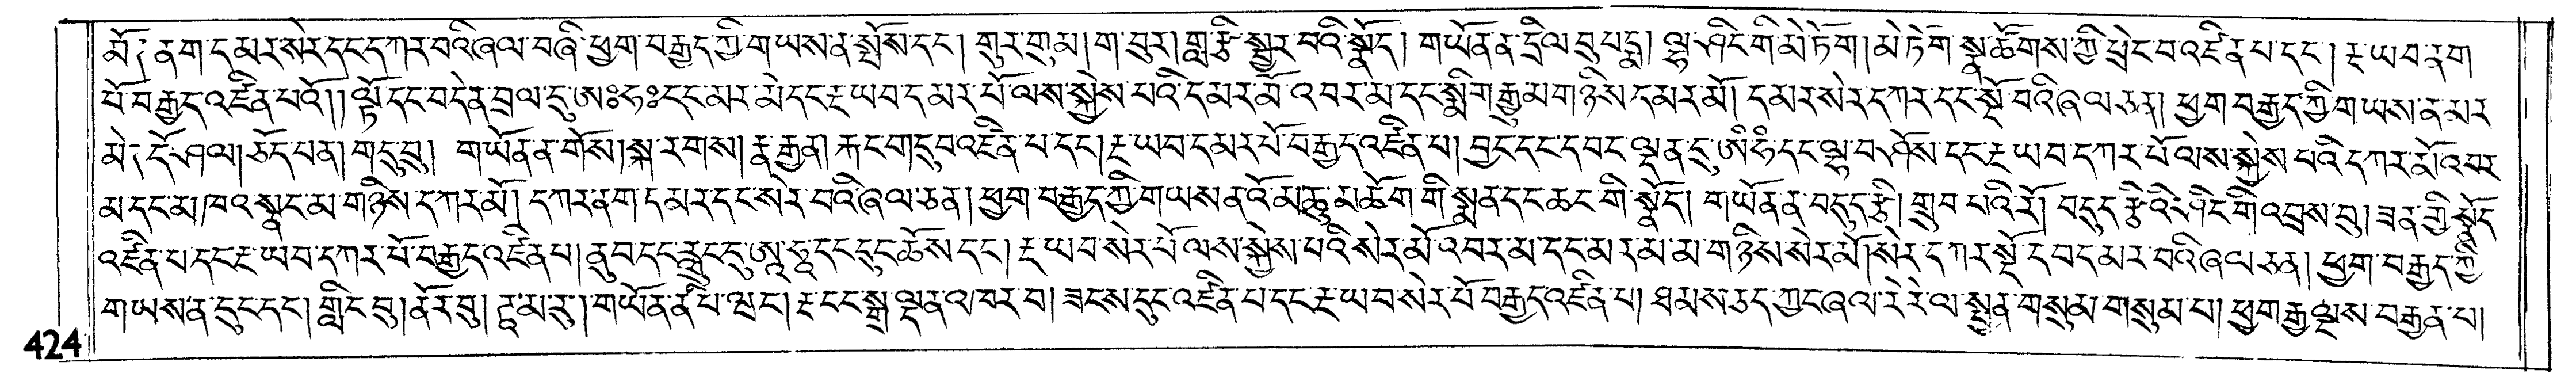མོ། ནག་དམར་སེར་དང་དཀར་བའི་ཞལ་བཞི་ཕྱག་བརྒྱད་ཀྱི་གཡས་ན་སྤོས་དང་། གུར་གུམ། ག་བུར། གླ་རྩི་སྦྱར་བའི་སྣོད། གཡོན་ན་དྲིལ་བུ་པདམ། ལྷ་ཤིང་གི་མེ་ཏོག །མེ་ཏོག་སྣ་ཚོགས་ཀྱི་ཕྲེང་བ་འཛིན་པ་དང་། རྔ་ཡབ་ནག་
པོ་བརྒྱད་འཛིན་པའོ། །ལྟོ་དང་བདེན་བྲལ་དུ་ཨཿ ཧཿ དང་མར་མེ་དང་རྔ་ཡབ་དམར་པོ་ལས་སྐྱེས་པའི་དམར་མོ་འབར་མ་དང་སྨིག་རྒྱུ་མ་གཉིས་དམར་མོ། དམར་སེར་དཀར་དང་སྔོ་བའི་ཞལ་ཅན། ཕྱག་བརྒྱད་ཀྱི་གཡས་ན་མར་
མེ། དོ་ཤལ། ཅོད་པན། གདུ་བུ། གཡོན་ན་གོས། སྐ་རགས། རྣ་རྒྱན། རྐང་གདུབ་འཛིན་པ་དང་། རྔ་ཡབ་དམར་པོ་བརྒྱད་འཛིན་པ། བྱང་དང་དབང་ལྡན་དུ་ཨཾ་ཧཾ་དང་ལྷ་བཤོས་དང་རྔ་ཡབ་དཀར་པོ་ལས་སྐྱེས་པའི་དཀར་མོ་འབར་
མ་དང་མཁའ་སྣང་མ་གཉིས་དཀར་མོ། དཀར་ནག་དམར་དང་སེར་བའི་ཞལ་ཅན། ཕྱག་བརྒྱད་ཀྱི་གཡས་ནའོ་མཆུ་མཆོག་གི་སྨན་དང་ཆང་གི་སྣོད། གཡོན་ན་བདུད་རྩི། གྲུབ་པའི་རོ། བདུད་རྩིའི་ཤིང་གི་འབྲས་བུ། ཟན་གྱི་སྣོད་
འཛིན་པ་དང་རྔ་ཡབ་དཀར་པོ་བརྒྱད་འཛིན་པ། ནུབ་དང་རླུང་དུ་ཨཱ་ཧཱ་དང་དུང་ཆོས་དང་། རྔ་ཡབ་སེར་པོ་ལས་སྐྱེས་པའི་སེར་མོ་འབར་མ་དང་མར་མ་མ་གཉིས་སེར་མོ། སེར་དཀར་སྔོ་དབང་མར་བའི་ཞལ་ཅན། ཕྱག་བརྒྱད་ཀྱི་
གཡས་ན་དུང་དང་། གླིང་བུ། ནོར་བུ། ཌཱ་མ་རུ། གཡོན་ན་པི་ཝང་། རྔ་དང་སྒྲ་ལྡན་འཁར་བ། ཟངས་དུང་འཛིན་པ་དང་རྔ་ཡབ་སེར་པོ་བརྒྱད་འཛིན་པ། ཐམས་ཅད་ཀྱང་ཞལ་རེ་རེ་ལ་སྤྱན་གསུམ་གསུམ་པ། ཕྱག་རྒྱ་ལྔས་བརྒྱན་པ།